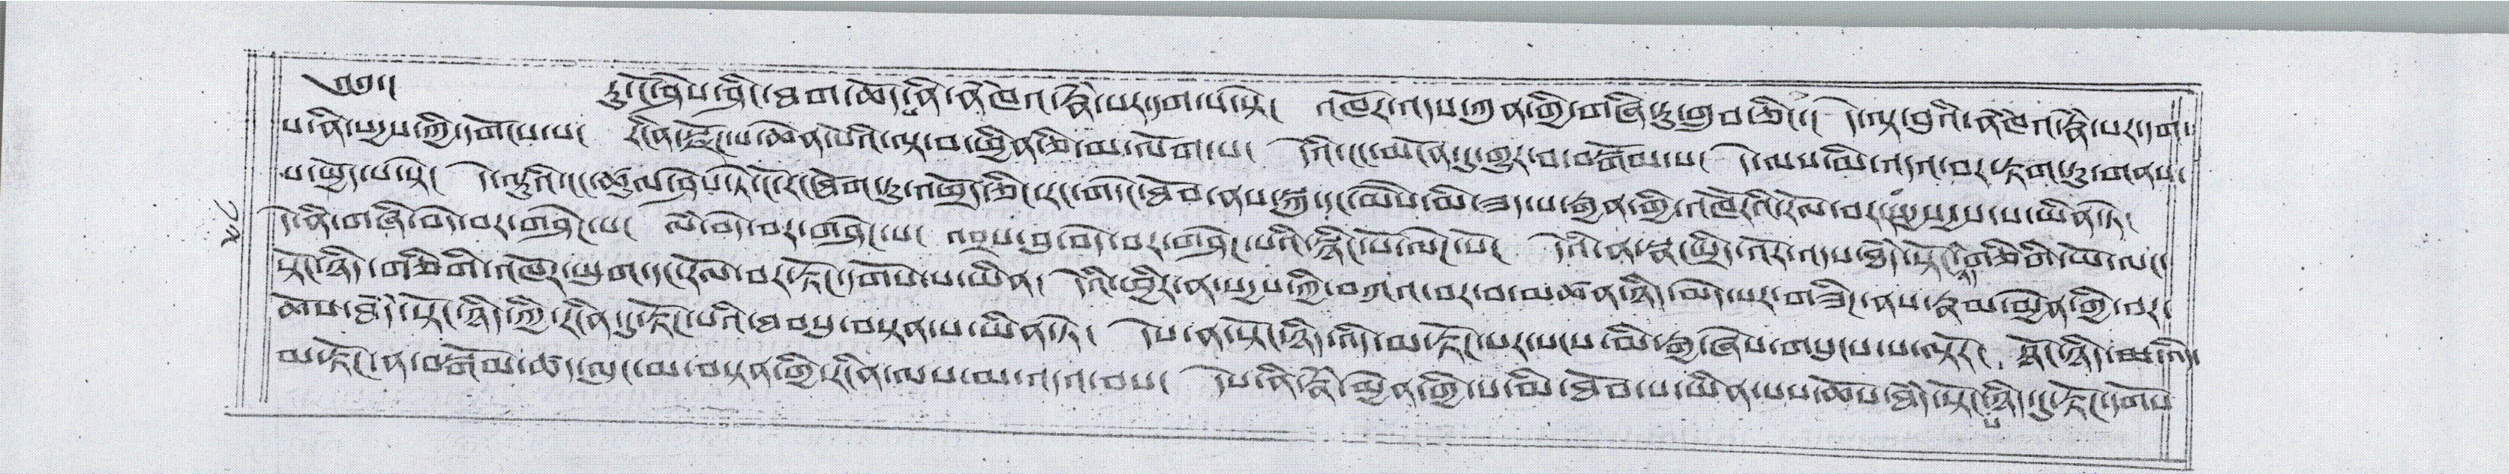རུ་ངོ་ཤེས་ཤིང་ཐག་ཆོད་པ་ནི་ནམ་མཁའ་རྣམ་པར་དག་པ་སྟེ། འཁོར་འདས་ཀུན་གྱི་གཞི་རུ་གྲུབ་ཅིང་། དེ་ལྟ་བུའི་ནམ་མཁའ་རྣམ་པར་དག་
པ་ནི་སངས་རྒྱས་ཀྱི་དགོངས་པ། རང་བཞིན་རྫོགས་པ་ཆེན་པོའི་ལྟ་བ་ཕྱིན་ཅི་མ་ལོག་པ། དེའི་ངང་མངོན་དུ་གྱུར་པ་སྒོམ་པ། དེ་ལས་མི་འདའ་བར་རྟག་ཏུ་གནས་
པ་སྤྱོད་པ་སྟེ། དེ་ལྟ་བུའི་ངང་ཚུལ་ཤེས་ཏེ་ངོ་རང་ཐོག་ཏུ་འཕྲོད་ཅིང་རང་གདེང་ཐོབ་ནས་སྐུ་དང་ཡེ་ཤེས་མི་ཟད་པ་རྒྱན་གྱི་འཁོར་ལོའི་རོལ་པར་སངས་རྒྱས་པ་ཡིན་ཏེ། 
དེ་ནི་གཞི་བདེ་བར་གཤེགས་པ། ལམ་བདེ་བར་གཤེགས་པ། འབྲས་བུ་བདེ་བར་གཤེགས་པའི་སྙིང་པོ་ལེགས་སོ། དེས་ན་སྣང་སྲིད་འཁོར་འདས་ཐམས་ཅད་སྟོང་ཉིད་གཅིག་གི་ཡོ་ལང་། 
སྟོང་ཉིད་གཅིག་གི་ཁོར་ཡུག་དང་རོལ་པར་རྟོགས་དགོས་པ་ཡིན། དེའི་ཕྱིར་སངས་རྒྱས་ཀྱི་བཀའ་བར་པ་མཚན་ཉིད་མེད་པར་གཟིགས་ནས་རྣམ་མཁྱེན་གྱི་བར་
ཆོས་ཐམས་ཅད་སྟོང་ཉིད་ཀྱི་རང་བཞིན་དུ་རྟོགས་པའི་ཐབས་སུ་བསྟན་པ་ཡིན་ཏེ། དེས་ན་སྟོང་ཉིད་འདི་མ་རྟོགས་པར་སངས་མི་རྒྱ་ཞེས་གསུངས་པ་ལྟར་རོ། སྟོང་ཉིད་འདི་
མ་རྟོགས་ན་བསྒོམས་ཚད་ལུང་མ་བསྟན་གྱི་རང་བཞིན་ལས་མ་འདས་པས། དེས་ན་རྣམ་མཁྱེན་གྱི་ས་མི་འཐོབ་པ་ཡིན་པས་ཆོས་ཐམས་ཅད་སྟོང་པ་ཉིད་དུ་རྟོགས་དགོས་